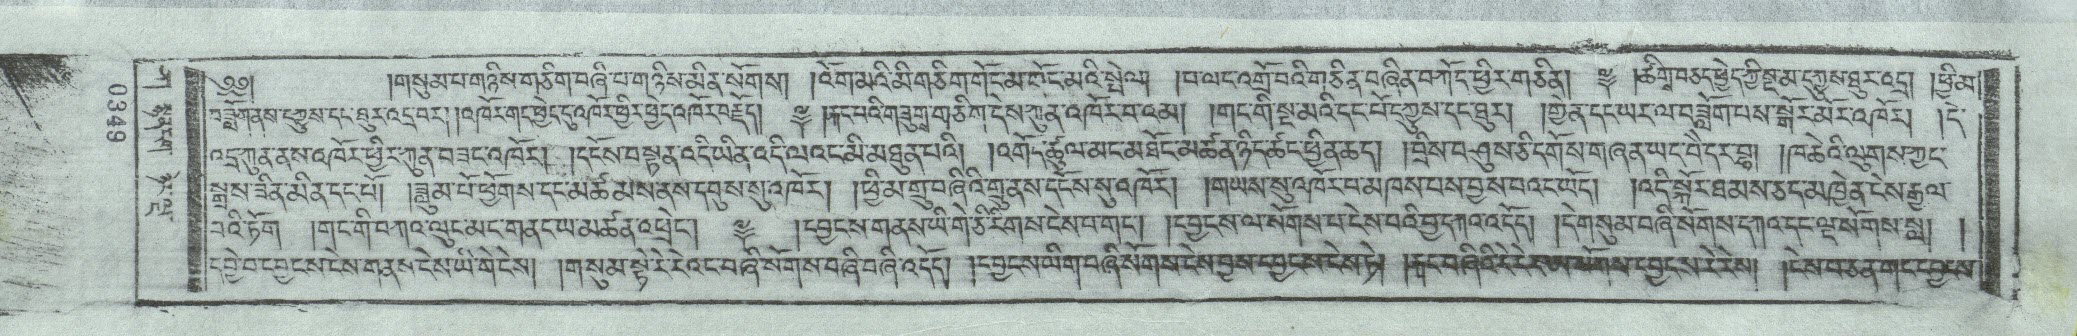༄༅། །གསུམ་པ་གཉིས་གཅིག་བཞི་པ་གཉིས་མིན་སོགས། །འོག་མའི་མི་གཅིག་གོང་མ་གོང་མའི་སྤེལ། །བ་ལང་འགྲོ་བའི་གཅིན་བཞིན་བཀོད་ཕྱིར་གཅིག། ༈ །ཚིགས་བཅད་ཕྱེད་ཀྱི་སྔ་མ་དཀྱུས་ཐུར་འདྲ?། ཕྱི་མ་
བཟློ་གནས་དཀྱུས་དང་ཐུར་འདྲ་བར། །འཁོར་གང་ཕྱེད་དུ་འཁོར་ཕྱིར་ཕྱེད་འཁོར་བརྗོད། ༈ །རྐང་བའི་གཟུགས་གཅིག་དེས་ཀུན་འཁོར་བ་འམ། །གང་གི་སྔ་མའི་དང་པོ་དཀྱུས་དང་ཐུར། །གྱེན་དང་ཡར་ལ་བཟློག་པས་སྒོར་མོར་འཁོར། །དེ་
འདྲ་ཀུན་ནས་འཁོར་ཕྱིར་ཀུན་བཟང་འཁོར། །དངོས་བསྟན་འདི་ཡིན་འདི་ལའང་མི་མཐུན་པའི། །འགོད་ཚུལ་མང་མཐོང་མཚན་ཉིད་ཚད་ཕྱིན་ཆད། །བྲིས་བཤུས་ཅི་དགོས་གཞན་ཡང་བཻ་དང་བྷ། །ཁ་ཆེའི་ལུགས་ཀྱང་
སྒྲ་ཟིན་མིན་དང་པོ། །ཟླུམ་པོ་ཕྱོགས་དང་མཚམས་ནས་དབུས་སུ་འཁོར། །ཕྱི་མ་གྲུ་བཞིའི་གྲུ་ནས་དངོས་སུ་འཁོར། །གཡས་སུ་འཁོར་པ་མཁས་པས་བྱས་བའང་ཡོད། འདི་སྐོར་ཐམས་ཅད་མཁྱེན་ངེས་རྒྱལ?
བའི་ཏོག །གང་གི་བཀའ་ལུང་མང་གནང་ཡང་མཚན་འཕྲེང་། ༈ །དབྱངས་གནས་ཡི་གེ་ཅི་རིགས་ངེས་པ་གང་། །དབྱངས་ལ་སོགས་པ་ངེས་པའི་བྱ་དགའ་འདོད། །དེ་གསུམ་བཞི་སོགས་དཀའ་དང་ལྔ་སོགས་སླ། །
དབྱེ་བ་དབྱངས་ངེད་གནས་ངེས་ཡི་གེ་ངེས། །གསུམ་སྟེ་རེ་རེའང་བཞི་སོགས་བཞི་བཞི་འདོད། །དབྱངས་ཡིག་བཞིན་སོགས་ངེས་བྱས་དབྱངས་ངེས་ཏེ། །རྐང་བཞིའི་རེ་རེར་ཨ་སོགས་དབྱངས་རེ་རེས། །ངེས་བ་ཅན་གས?་དབྱངས་